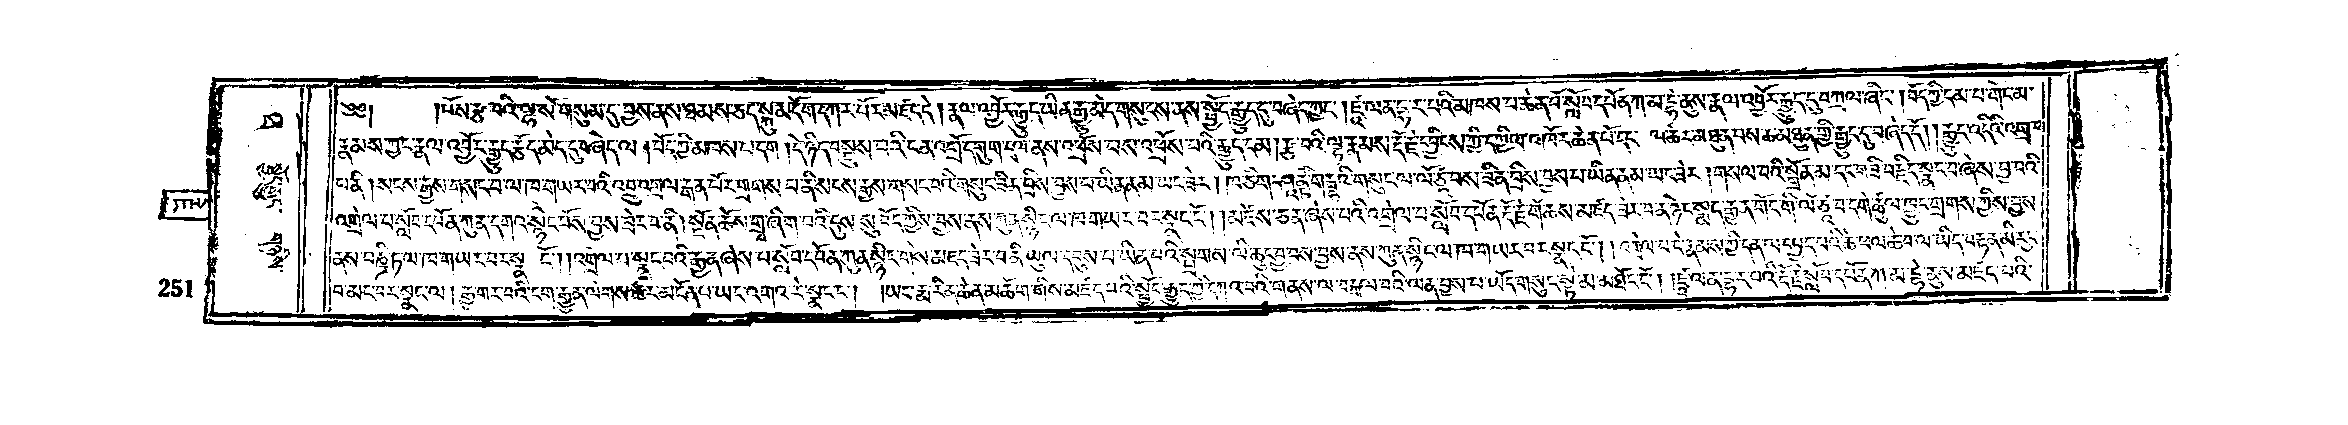༄༅། །པོས་རྩ་བའི་ལྷ་སོ་གསུམ་དུ་བྱས་ནས་ཐམས་ཅད་སྐུ་མདོག་དཀར་པོར་མཛད་དེ། རྣལ་འབྱོར་རྒྱུད་ཡིན་རྒྱུ་མེད་གསུངས་ནས་སྤྱོད་རྒྱུད་དུ་བཞེད་ཀྱང་། ཛཱ་ལན་དྷ་ར་པའི་མཁས་པ་ཆེན་པོ་སློབ་དཔོན་ཀ་མ་དྷེ་ནུས་རྣལ་འབྱོར་རྒྱུད་དུ་བཀྲལ་ཞིང་། བོད་ཀྱི་དམ་པ་གོང་མ་
རྣམས་ཀྱང་རྣལ་འབྱོར་རྒྱུད་རྩོད་མེད་དུ་ཞེད་ལ། བོད་ཀྱི་མཁས་པ་དག །དེ་ཉིད་བསྡུས་པའི་ངན་འགྲོ་དགུག་དྲལ་ནས་འཕྲོས་པས་འཕྲོས་པའི་རྒྱུད་དམ། རྩ་བའི་ལྷ་རྣམས་རྡོ་རྗེ་དབྱིངས་ཀྱི་དཀྱིལ་འཁོར་ཆེན་པོ་དང་ཕལ་ཆེར་མཐུན་པས་ཆ་མཐུན་གྱི་རྒྱུད་དུ་བཞེད་དོ། །རྒྱུད་འདིའི་འགྲལ་
པ་ནི། སངས་རྒྱས་གསང་བ་ལ་ཁ་གཡར་བའི་འབྲུ་འགྲལ་རྒན་པོར་གྲགས་པ་ནི་སངས་རྒྱས་གསང་བའི་གསུང་ཟིན་བྲིས་བྱས་པ་ཡིན་ནམ་ཡང་ཟེར། ཁ་ཅིག་ཤཱནྟི་གརྦྷའི་གསུང་ལ་ལོ་ཙཱ་བས་ཟིན་བྲིས་བྱས་པ་ཡིན་ནམ་ཡང་ཟེར། གསལ་བའི་སྒྲོན་མ་དང་གཟི་བརྗིད་སྣང་བ་ཞེས་བྱ་བའི་
འགྲེལ་པ་སློབ་དཔོན་ཀུན་དགའ་སྙིང་པོས་བྱས་ཟེར་བ་ནི། སྔོན་ཆོས་གྲྭ་ཞིག་པའི་དུས་སུ་བོད་ཀྱིས་བྱས་ནས་ཀུན་སྙིང་ལ་ཁ་གཡར་བར་སྣང་ངོ། །མཛེས་ཅན་ཞེས་པའི་འགྲེལ་བ་སློབ་དཔོན་རྡོ་རྗེ་གོ་ཆས་མཛད་ཟེར་བ་ན་ཉེང་སྨད་རྒྱན་གོང་གི་ལོ་ཙཱ་བ་དགེ་ཚུལ་ཁྱུང་གྲགས་ཀྱིས་བྱས་
ནས་བཎྜི་ཏ་ལ་ཁ་གཡར་བར་སྣང་ངོ། །འགྲེལ་པ་སྣང་བའི་རྒྱན་ཞེས་པ་སློབ་དཔོན་ཀུན་སྙིང་གིས་མཛད་ཟེར་བ་ནི་ཡུལ་དབུས་པ་ཡིན་པའི་སྦྲགས་ལི་ཆུང་བྱ་བས་བྱས་ནས་ཀུན་སྙིང་ལ་ཁ་གཡར་བར་སྣང་ངོ། །འགྲེལ་པ་དེ་རྣམས་ཀྱི་དོན་ལ་དཔྱད་པའི་ཆེ་ཕལ་ཆེ་བ་ལ་ཡིད་བརྟན་མི་རུང་
བ་མང་བར་སྣང་ལ། རྒྱ་གར་བའི་ངག་རྒྱུན་ལེགས་ཆར་མངོན་པ་ཡང་འགའ་རེ་སྣང་ངོ། །ཡང་རྨ་རིན་ཆེན་མཆོག་གིས་མཛད་པའི་སྤྱོད་རྒྱུད་ཀྱི་དཀའ་བའི་གནས་ལ་བརྒལ་བའི་ལན་བྱས་པ་ཡོད་གསུང་སྟེ་མ་མཐོང་ངོ། །ཛཱ་ལན་དྷ་ར་པའི་རྡོ་རྗེ་སློབ་དཔོན་ཀ་མ་དྷེ་ནུས་མཛད་པའི་